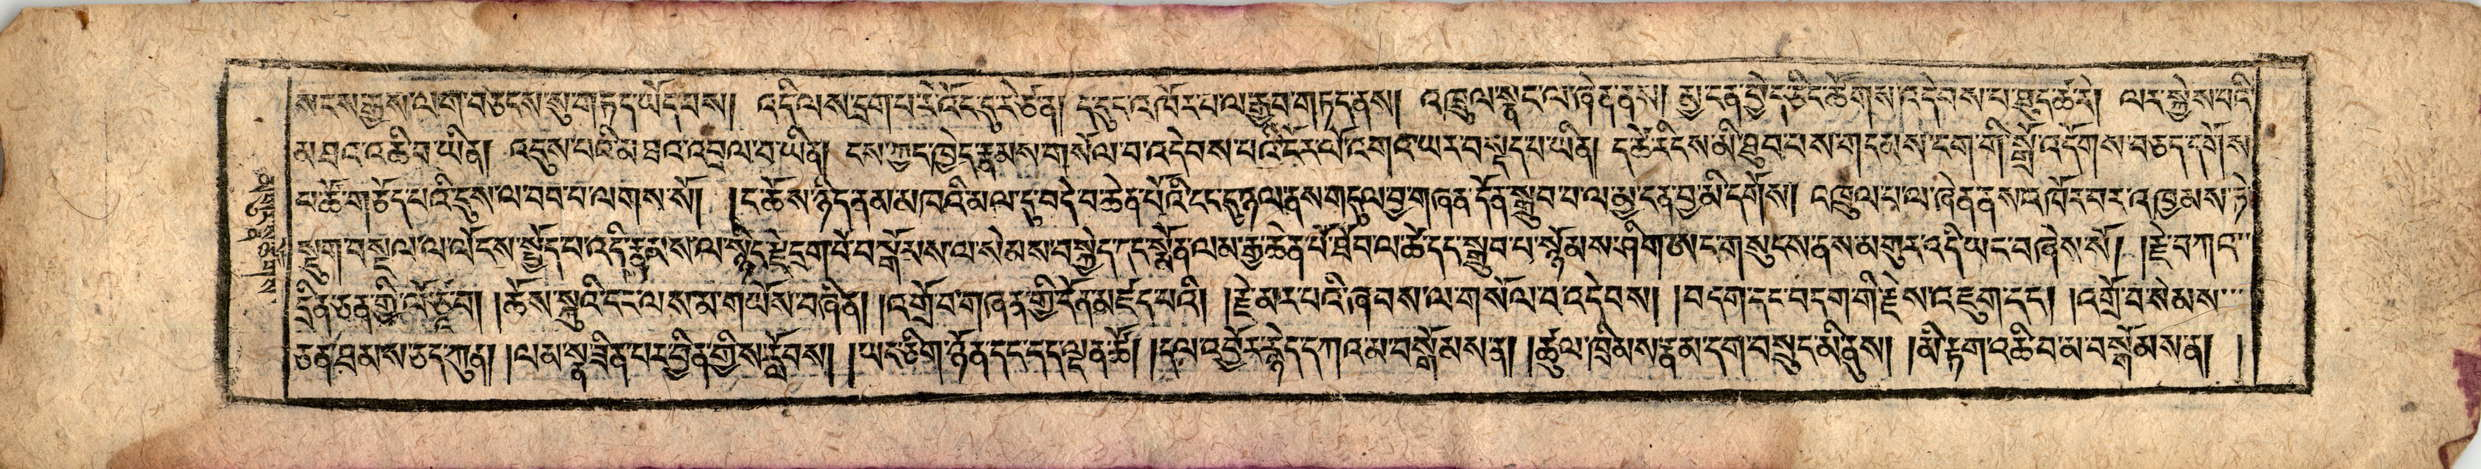སངས་རྒྱས་ལག་བཅངས་སུ་གཏད་ཡོང་བས། འདི་ལས་དྲག་པ་རེ་འོང་དུ་རེ་ཙ་ན། ད་དུང་འཁོར་བ་ལ་རྒྱབ་གཏད་ནས། འཁྲུལ་སྣང་ལ་ཞེན་པས། མྱ་ངན་བྱེད་ཅིང་ཚོགས་འདེབས་པ་ཐུད་ཚ་རེ། ལར་སྐྱེས་པའི་
མཐའ་འཆི་བ་ཡིན། འདུས་པའི་མཐའ་འབྲལ་བ་ཡིན། ངས་ཀྱང་ཁྱེད་རྣམས་གསོལ་བ་འདེབས་པའི་ངོར་ལ་འགའ་ཡར་བསྡད་པ་ཡིན། ད་ཚེ་རིངས་མི་ཐུབ་པས་གདམས་ངག་གི་སྒྲོ་འདོགས་བཅད་དགོས་
པ་ཚོ་གཅོད་པའི་དུས་ལ་བབ་པ་ལགས་སོ། །ང་ཆོས་ཉིད་ནམ་མཁའི་མལ་དུ་བདེ་བ་ཆེན་པོའི་ངང་དུ་ཉལ་ནས་གདུལ་བྱ་གཞན་དོན་སྒྲུབ་པ་ལ་མྱ་ངན་བྱ་མི་དགོས། འཁྲུལ་པ་ལ་ཞེན་ནས་འཁོར་བར་འཁྱམས་ཏེ་
སྡུག་བསྔལ་ལ་ལོངས་སྤྱོད་པ་འདི་རྩམས་ལ་སྙིང་རྗེ་དྲག་པོ་བསྒོམས་ལ་སེམས་བསྐྱེད་དང་སྨོན་ལམ་རྒྱ་ཆེན་པོ་ཐོབ་ལ་ཚེ་དང་སྒྲུབ་པ་སྙོམས་ཤིག་ཨང་གསུངས་ནས་མགུར་འདི་ཡང་བཞེས་སོ། །རྗེ་བཀའ་
དྲིན་ཅན་གྱི་ལོ་ཙཱ་བ། །ཆོས་སྐུའི་ངང་ལས་མ་གཡོས་བཞིན། །འགྲོ་བ་གཞན་གྱི་དོན་མཛད་པའི། །རྗེ་མར་པའི་ཞབས་ལ་གསོལ་བ་འདེབས། །བདག་དང་བདག་གི་རྗེས་འཇུག་དང་། །འགྲོ་བ་སེམས་
ཅན་ཐམས་ཅད་ཀུན། །ལམ་སྣ་ཟིན་པར་བྱིན་གྱིས་རློབས། །ཡང་ཅིག་ཉོན་དང་དད་ལྡན་ཚོ། །དལ་འབྱོར་རྙེད་དཀའ་མ་བསྒོམས་ན། །ཚུལ་ཁྲིམས་རྣམ་དག་བསྲུང་མི་ནུས། །མི་རྟག་འཆི་བ་མ་བསྒོམས་ན། །